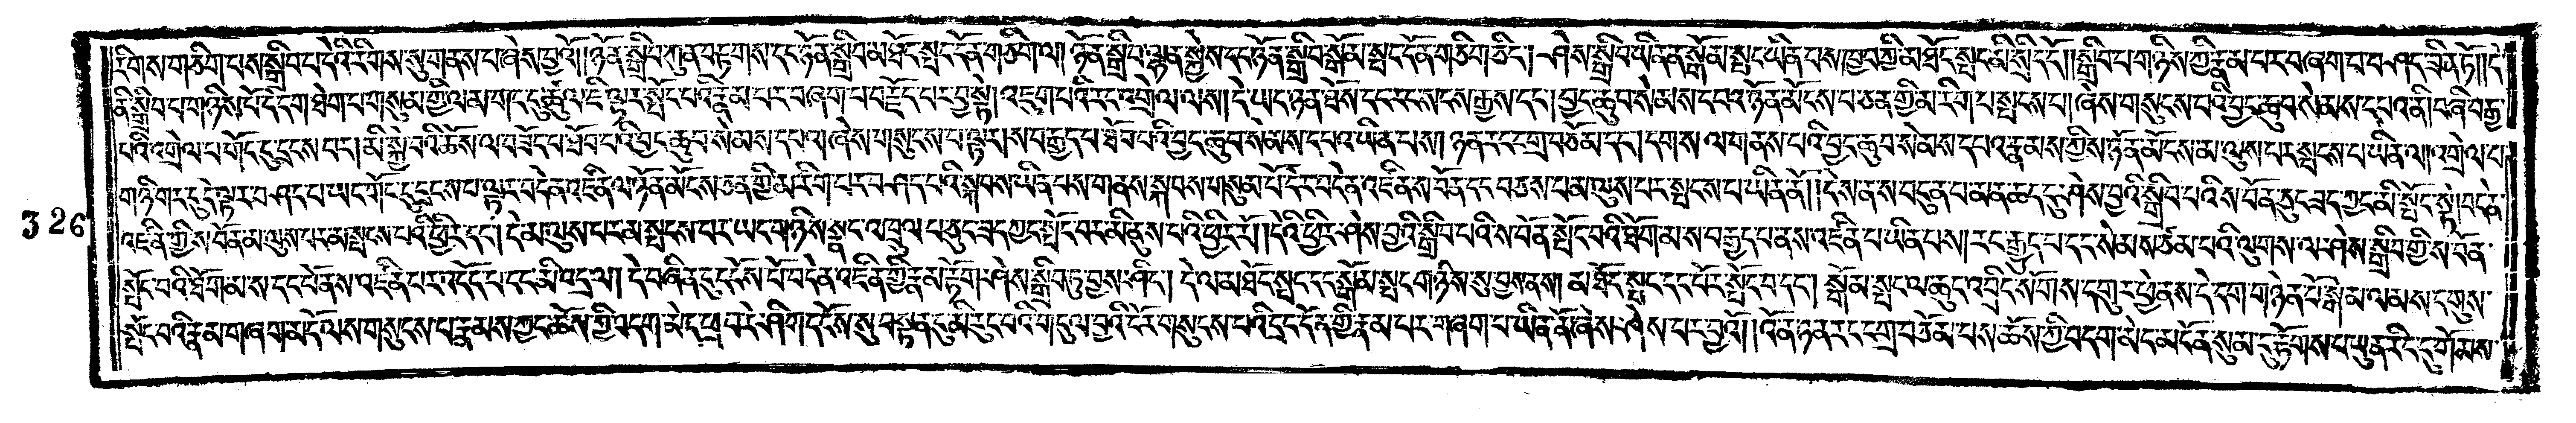རིགས་གཅིག་པས་སྒྲིབ་པ་དེའི་རིགས་སུ་གནས་པ་ཞེས་བྱའོ། །ཉོན་སྒྲིབ་ཀུན་བརྟགས་དང་ཉོན་སྒྲིབ་མཐོང་སྤང་དོན་གཅིག་ལ། ཉོན་སྒྲིབ་ལྷན་སྐྱེས་དང་ཉོན་སྒྲིབ་སྒོམ་སྤང་དོན་གཅིག་ཅིང་། ཤེས་སྒྲིབ་ཡིན་ན་སྒོམ་སྤང་ཡིན་པས་ཁྱབ་ཀྱི་མཐོང་སྤང་མི་སྲིད་དོ། །སྒྲིབ་པ་གཉིས་ཀྱི་རྣམ་པར་བཞག་པ་བཤད་ཟིན་ཏོ། །དེ་
ནི་སྒྲིབ་པ་གཉིས་པོ་དེ་དག་ཐེག་པ་གསུམ་གྱི་ལམ་གང་དུ་ཚུལ་ཇི་ལྟར་སྤོང་བའི་རྣམ་པར་བཞག་པ་བརྗོད་པར་བྱ་སྟེ། འཇུག་པའི་རང་འགྲེལ་ལས། དེ་ཡང་ཉན་ཐོས་དང་རང་སངས་རྒྱས་དང་། བྱང་ཆུབ་སེམས་དཔའ་ཉོན་མོངས་པ་ཅན་གྱི་མ་རིག་པ་སྤངས་པ། ཞེས་གསུངས་པའི་བྱང་ཆུབ་སེམས་དཔའ་ནི། བཞི་བརྒྱ་
པའི་འགྲེལ་པ་གོང་དུ་དྲངས་པར། མི་སྐྱེ་བའི་ཆོས་ལ་བཟོད་པ་ཐོབ་པའི་བྱང་ཆུབ་སེམས་དཔའ། ཞེས་གསུངས་པ་ལྟར། ས་བརྒྱད་པ་ཐོབ་པའི་བྱང་ཆུབ་སེམས་དཔའ་ཡིན་པས། ཉན་དང་དགྲ་བཅོམ་དང་། དགས་ལ་གནས་པའི་བྱང་ཆུབ་སེམས་དཔའ་རྣམས་ཀྱིས་ཉོན་མོངས་མ་ལུས་པར་སྤངས་པ་ཡིན་ལ། འགྲེལ་པ་
གཉི་གར་དུ་དེ་ལྟར་བཤད་པ་ཡང་གོང་དུ་དྲངས་པ་ལྟར་བདེན་འཛིན་ལ་ཉོན་མོངས་ཅན་གྱི་མ་རིག་པར་བཤད་པའི་སྐབས་ཡིན་པས་གནས་སྐབས་གསུམ་པོ་དེར་བདེན་འཛིན་ས་བོན་དང་བཅས་བམ་ལུས་པར་སྤངས་པ་ཡིན་ནོ། །དེས་ནས་བདུན་པ་མན་ཆད་དུ་ཤེས་བྱའི་སྒྲིབ་པའི་ས་བོན་ཅུང་ཟད་ཀྱང་མི་སྤོང་སྟེ། བདེན་
འཛིན་གྱི་ས་བོན་མ་ལུས་པར་མ་སྤངས་པའི་ཕྱིར་དང་། དེ་མ་ལུས་པར་མ་སྤངས་པར་ཡང་གཉིས་སྣང་འཁྲུལ་པ་ཅུང་ཟད་ཀྱང་སྤོང་བར་མི་ནུས་པའི་ཕྱིར་རོ། །དེའི་ཕྱིར་ཞེས་བྱའི་སྒྲིབ་པའི་ས་བོན་སྤང་བའི་ཐོག་མས་བརྒྱད་པ་ནས་འཛིན་པ་ཡིན་པས། རང་རྒྱུད་པ་དང་སེམས་ཙམ་པའི་ལུགས་ལ་ཤེས་སྒྲིབ་གྱི་ས་བོན་
སྤོང་བའི་ཐོག་མ་ས་དང་པོ་ནས་འཛིན་པར་འདོད་པ་དང་མི་འདྲ་ལ། དེ་བཞིན་དུ་དངོས་པོ་བདེན་འཛིན་གྱི་རྣམ་རྟོག་ཤེས་སྒྲིབ་ཏུ་བྱས་ཤིང་། དེ་ལ་མཐོང་སྤང་དང་སྒོམ་སྤང་གཉིས་སུ་བྱས་ནས། མཐོང་སྤང་དང་པོར་སྤོང་བ་དང་། སྒོམ་སྤང་ལ་ཆུང་འབྲིང་སོགས་དགུང་ཕྱེ་ནས་དེ་དག་གཉེན་པོ་སྒོམ་ལམ་ས་དགུས་
སྤོང་བའི་རྣམ་གཞག་མདོ་ལས་གསུངས་པ་རྣམས་ཀྱང་ཆོས་ཀྱི་བདག་མེད་ཕྲ་བ་རེ་ཤིག་དངོས་སུ་བསྟན་དུ་མི་རུང་བའི་གདུལ་བྱའི་ངོར་གསུངས་པའི་དྲང་དོན་གྱི་རྣམ་པར་གཞག་པ་ཡིན་ནོ་ཞེས་ཤེས་པར་བྱའོ། །འོ་ན་ཉན་རང་དགྲ་བཅོམ་པས་ཆོས་ཀྱི་བདག་མེད་མངོན་སུམ་དུ་རྟོགས་པ་ཡུན་རིང་དུ་གོམས་